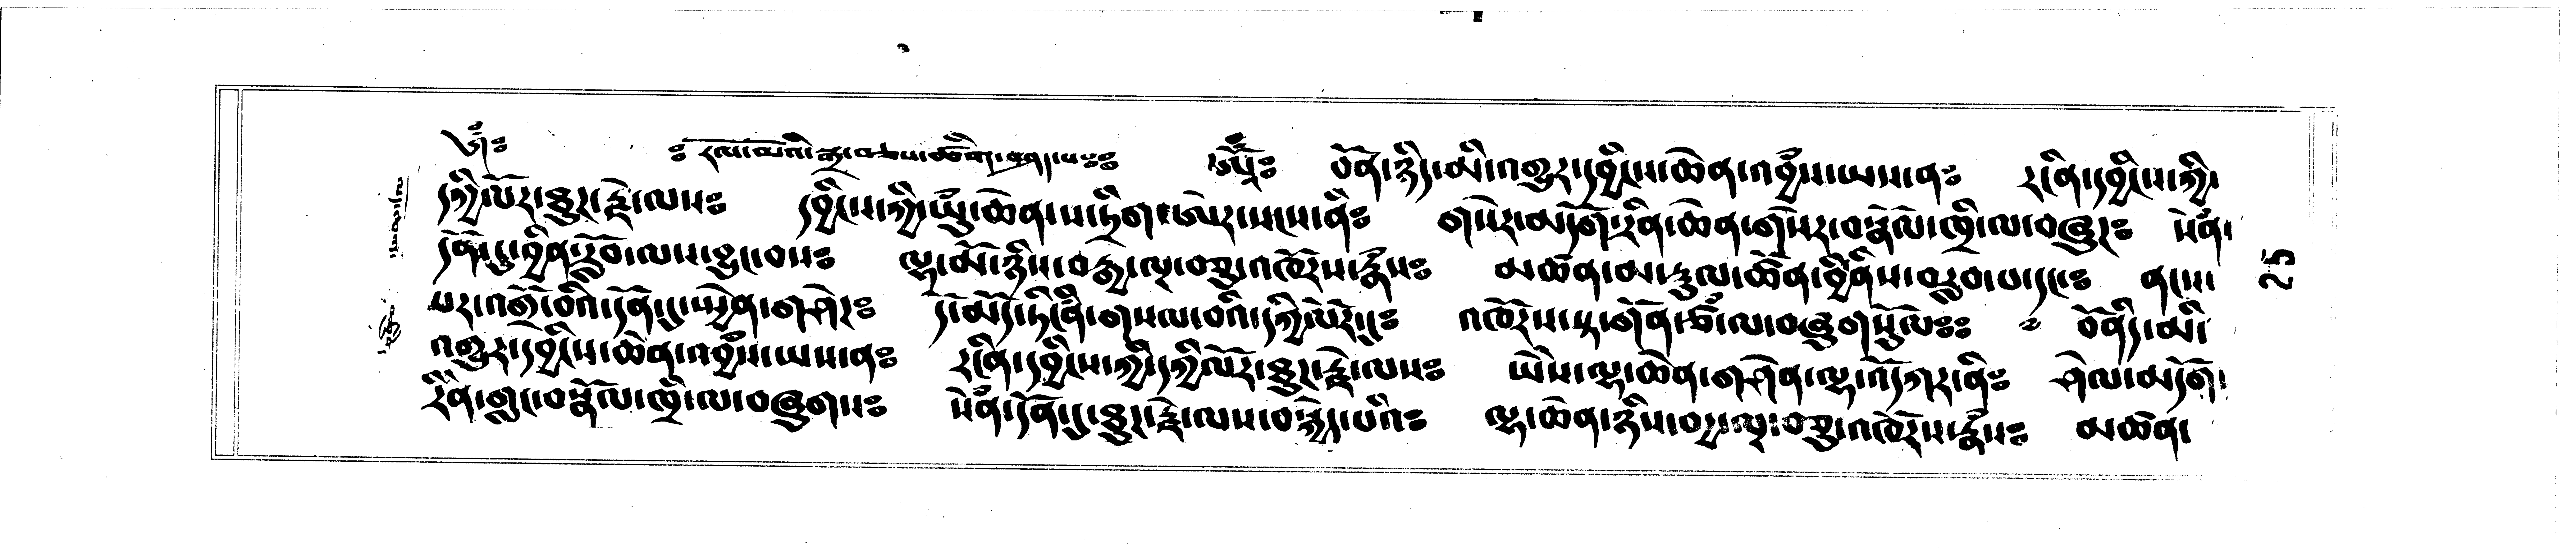རོལ་མོའི་སྒྲ་བཅས་ཚིགས་བཤད་པཿ ཨཱོྃཿ བོན་ཉིད་མི་འགྱུར་དབྱིངས་ཆེན་འབྱམས་ཡས་ནཿ རང་བཞིན་དབྱིངས་ཀྱི་
དཀྱིལ་འཁོར་ཐུགས་རྗེ་ལསཿ དབྱིངས་ཀྱི་ཡུམ་ཆེན་ས་ཏྲིག་ཨེར་སངས་ནིཿ གསེར་མདོག་རིན་ཆེན་གསེར་བསྣོལ་ཁྲི་ལ་བཞུགསཿ སེམས་ཅན་
དོན་དུ་བྱིན་རླབས་ལས་བྱུང་བཿ ལྷ་མོ་ཉིས་བརྒྱ་ལྔ་བཅུ་འཁོར་བཅས་རྣམསཿ མཚན་མ་རྡུལ་ཚོན་བྱིན་གྱིས་བརླབས་པ་དངཿ ནང་
པར་འགྲོ་བའི་དོན་དུ་སྤྱན་འདྲེན་གཤེགསཿ དོ་མོད་ཏིང་འཛིན་གསལ་བའི་དཀྱིལ་འཁོར་དུཿ འཁོར་བཅས་སྟ་གོན་ཙམ་ལ་བཞུགས་སུ་གསོལཿ བོན་ཉིད་མི་
འགྱུར་དབྱིངས་ཆེན་འབྱམས་ཡས་ནཿ རང་བཞིན་དབྱིངས་ཀྱི་དཀྱིལ་འཁོར་ཐུགས་རྗེ་ལསཿ ཡེ་ཤེས་ལྷ་ཆེན་གཤེན་ལྷ་འོད་དཀར་ནིཿ ཤེལ་མདོག་
རིན་ཆེན་གླང་བསྣོལ་ཁྲི་ལ་བཞུགསཿ སེམས་ཅན་དོན་དུ་ཐུགས་རྗེ་ལས་བསྐྱེད་པའིཿ ལྷ་ཆེན་ཉིས་བརྒྱ་ལྔ་བཅུ་འཁོར་བཅས་རྣམསཿ མཚན་